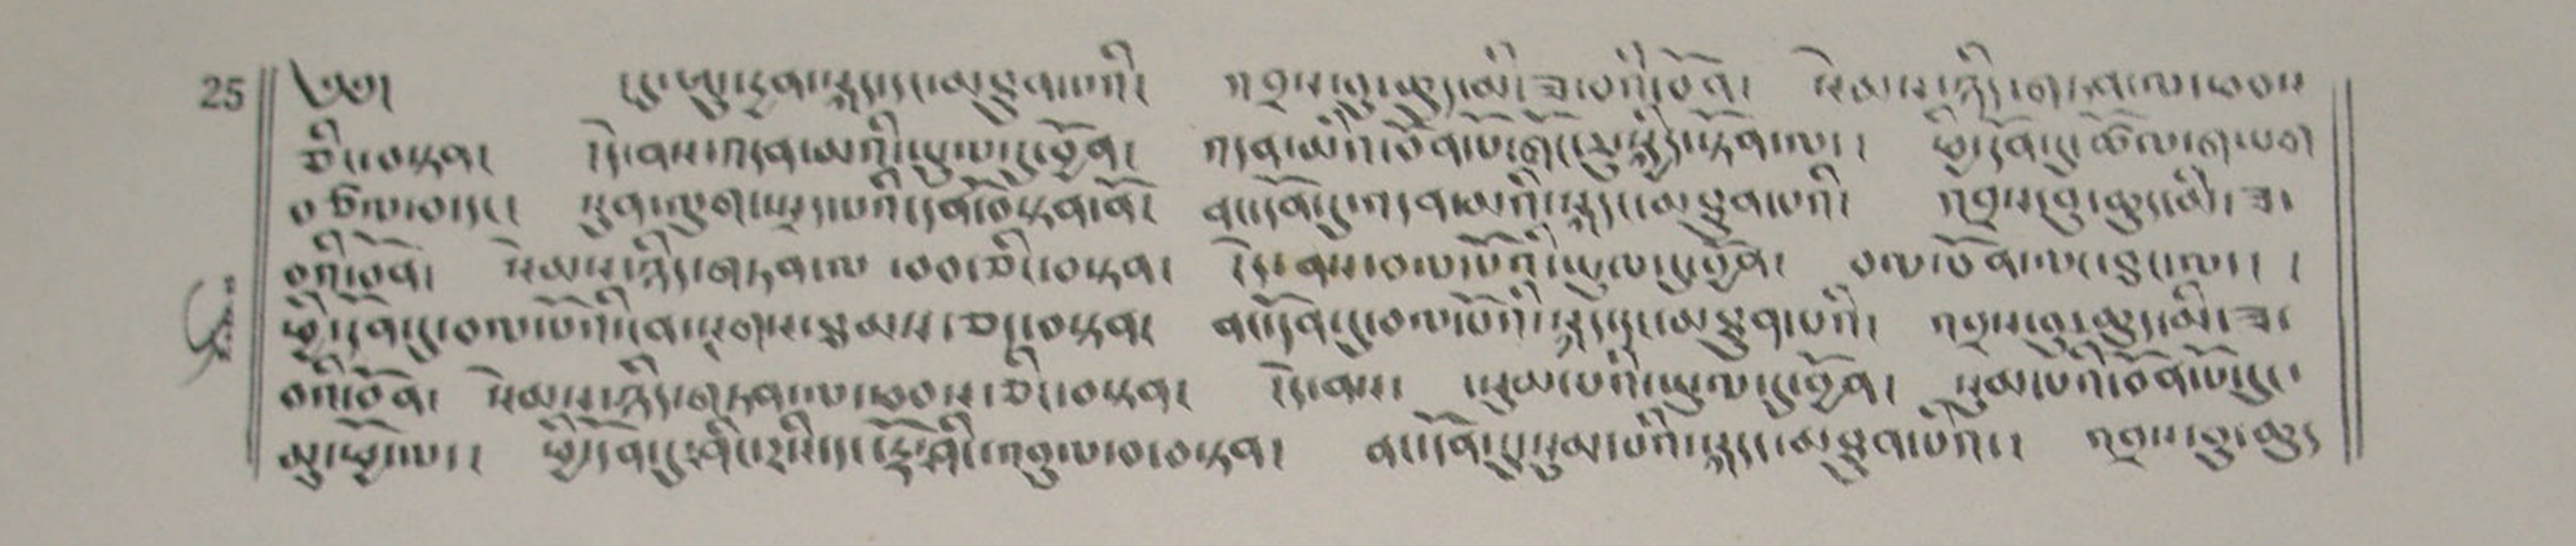༄༅། །དུ་ཨུ་རྒྱན་སྐད་དང་མཐུན་པའི་འབྲས་བུ་ཆུད་མི་ཟ་བའི་བོན་སེམས་ཉིད་གཏན་ལ་ཕབས་
ཅིང་བསྟན། དེ་ནས་འདན་མའི་ཡུལ་དུ་བྱོན། འདན་མའི་བོན་པོ་གོང་རུ་སྐྱིད་སྟོན་ལ། ཕྱི་དོན་དུ་ཚོལ་གཡག་
བཙལ་བ་དང་། སུན་ལུག་སྤྲད་པའི་དོན་བསྟན་ནོ། ནང་དོན་དུ་འདན་མའི་སྐད་དང་མཐུན་པའི། འབྲས་བུ་ཆུད་མི་ཟ་
བའི་བོན། སེམས་ཉིད་གཏན་ལ་བབ་ཅིང་བསྟན། དེ་ནས་བལ་བོའི་ཡུལ་དུ་བྱོན། བལ་བོན་ལང་ཐང་ལ། 
ཕྱིའི་དོན་དུ་བལ་བོའི་ངན་སྔགས་ཐམས་ཅད་བསྟན། ནང་དོན་དུ་བལ་བོའི་སྐད་དང་མཐུན་པའི། འབྲས་བུ་ཆུད་མི་ཟ་
བའི་བོན། སེམས་ཉིད་གཏན་ལ་ཕབས་ཅིང་བསྟན།དེ་ནས་སུམ་པའི་ཡུལ་དུ་བྱོན་ནས། སུམ་པའི་བོན་པོ་དུང་
མུ་ཕྱོད་ལ། ཕྱི་དོན་དུ་ཤིང་རིས་དང་རྡོ་ཤིང་འབུལ་བ་བསྟན། ནང་དོན་དུ་སུམ་པའི་སྐད་དང་མཐུན་པའི། འབྲས་བུ་ཆུད་